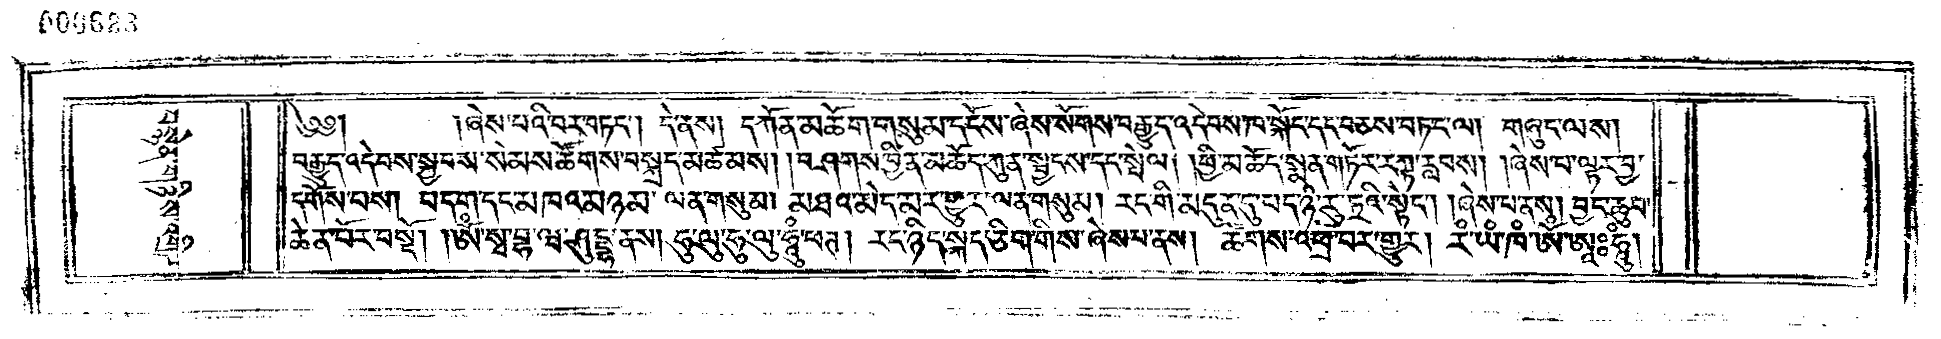༄༅། །ཞེས་པའི་བར་བཏང་། དེ་ནས། དཀོན་མཆོག་གསུམ་དངོས་ཞེས་སོགས་བརྒྱུད་འདེབས་ཁ་སྐོང་དང་བཅས་བཏང་ལ། གཞུང་ལས།
བརྒྱུད་འདེབས་སྐྱབས་སེམས་ཚོགས་བསྐྲད་མཚམས། །བཤགས་བྱིན་མཆོད་ཀུན་སྦྱངས་དང་སྤེལ། །ཕྱི་མཆོད་སྨན་གཏོར་རཀྟ་རླབས། །ཞེས་པ་ལྟར་བྱ་
དགོས་པས། བདག་དང་མཁའ་མཉམ་ལན་གསུམ།  མཐའ་མེད་མར་གྱུར་ལན་གསུམ།  རང་གི་མདུན་དུ་པད་ཉི་རུ་ཏྲའི་སྟེང་། །ཞེས་པ་ནས།  བྱང་ཆུབ་
ཆེན་པོར་བསྔོ། །ཨོཾ་སྭ་བྷ་ཝ་ཤུདྡྷ་ནས། ཧུ་ལུ་ཧུ་ལུ་ཧཱུཾ་ཕཊ། རང་ཉིད་སྐད་ཅིག་གིས་ཞེས་པ་ནས།  ཚོགས་འཕྲོ་བར་གྱུར། རཾ་ཡཾ་ཁཾ་ཨོཾ་ཨཱཿ ཧཱུཾ།